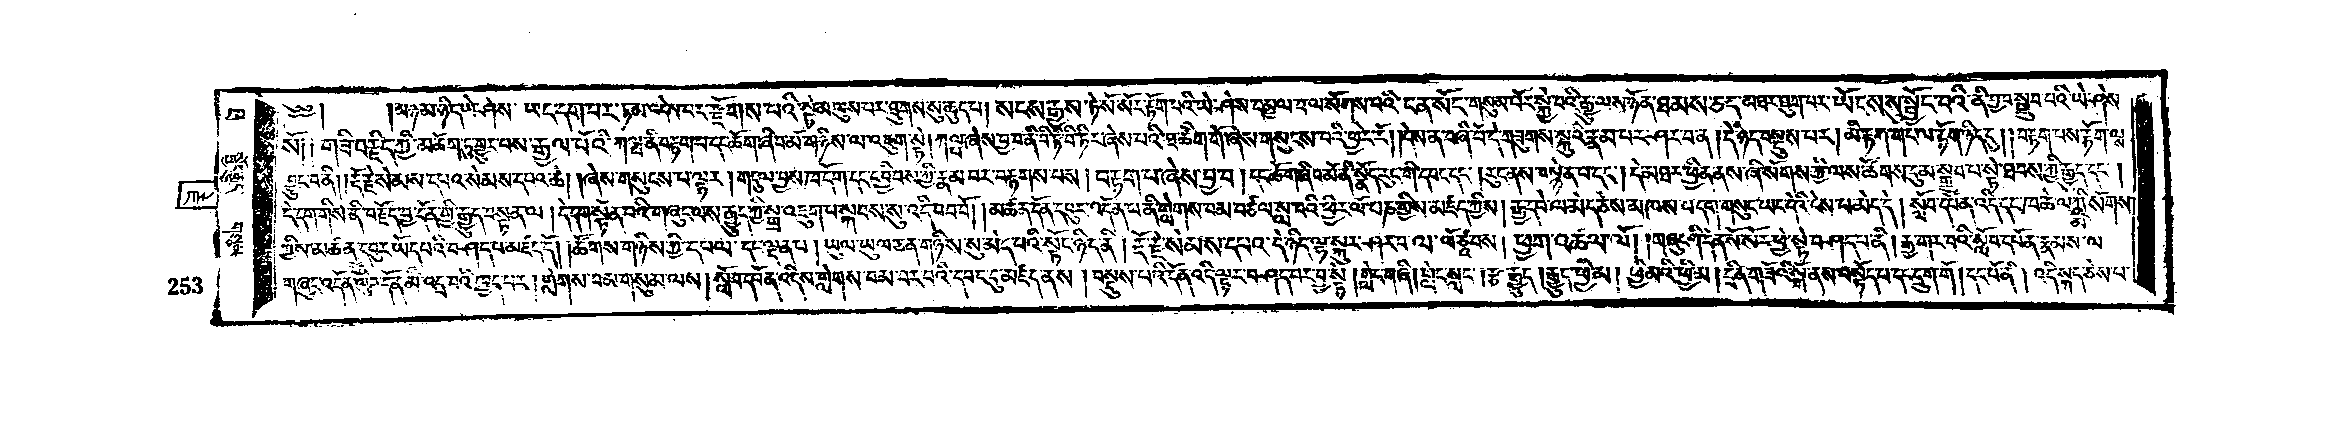༄༅། །མཉམ་ཉིད་ཡེ་ཤེས་ཡང་དག་པར་ཏམ་འདེས་པར་རྫོགས་པའི་སྟེ་མ་ལུས་པར་ཐུགས་སུ་ཆུད་པ། སངས་རྒྱས་ཏེ་སོ་སོར་རྟོག་པའི་ཡེ་ཤེས་དམྱལ་བ་ལ་སོགས་པའི་ངན་སོང་གསུམ་པོར་སྐྱེ་བའི་རྒྱུ་ལས་ཉོན་ཐམས་ཅད་མཐར་ཐུག་པར་ཡོངས་སུ་སྦྱོང་བའི་ནི་བྱ་བ་སྒྲུབ་པའི་ཡེ་ཤེས་
སོ། །གཟི་བརྗིད་ཀྱི་མཆོག་ཏུ་གྱུར་པས་རྒྱལ་པོའི་ཀལྤ་ནི་བརྟག་པ་དང་ཆོག་ཞིབ་མོ་གཉིས་ལ་འཇུག་སྟེ། ཀལྤ་ཞེས་བྱ་བ་ནི་བི་ཏི་བི་ཏིར་ཞེས་པའི་ཐ་ཚིག་གོ་ཞེས་གསུངས་པའི་ཕྱིར་རོ། །དེས་ན་བཞི་བོ་དེ་གཟུགས་སྐུའི་རྣམ་པར་ཤར་བ་ན། དེ་ཉིད་བསྡུས་པར། མི་རྟག་གང་ལ་རྟོག་ཉིད་དུ། །བརྟག་པས་རྟོག་ལས་
བྱུང་བ་ནི། །རྡོ་རྗེ་སེམས་དཔའ་སེམས་དཔའ་ཆེ། །ཞེས་གསུངས་པ་ལྟར། གདུལ་བྱས་ཁ་དོག་དང་དབྱིབས་ཀྱི་རྣམ་པར་བརྟགས་པས། བརྟག་པ་ཞེས་བྱ་བ། དང་ཆོ་ག་ཞིབ་མོ་ནི་སྣོད་རུང་གི་དབང་དང་། རུང་ནས་བསྙེན་པ་དང་། དེ་མཐར་ཕྱིན་ནས་ཞི་སོགས་ཀྱི་ལས་ཚོགས་དུ་མ་སྒྲུབ་པ་སྟེ་ཐབས་ཀྱི་རྒྱུད་དང་།
དེ་དག་གིས་ནི་བརྗོད་བྱ་དོན་གྱི་རྒྱུད་བསྟན་ལ། དེ་དག་སྟོན་པའི་གཞུང་ལས་རྒྱུད་ཀྱི་སྒྲ་འཇུག་པ་སྐབས་སུ་འདི་བབ་བོ། །མཚན་དོན་དབུར་འདོན་པ་ནི་གླེགས་བམ་བཙལ་སླ་བའི་ཕྱིར་ལོ་པཎ་གྱིས་མཛད་ཀྱིས། རྒྱ་དཔེ་ལ་མེད་ཅེས་མཁས་བདག་གསུང་ཡང་དེའི་ངེས་པ་མེད་དེ། སློབ་དཔོན་འདི་དང་ཁ་ཆེ་ལཀྵི་སོགས་
ཀྱིས་མཚན་དོན་དབུར་ཡོད་པའི་བཤད་པ་མཛད་དོ། །ཚོགས་གཉིས་ཀྱི་དཔལ་དང་ལྡན་པ། ཡུལ་ཡུལ་ཅན་གཉིས་སུ་མེད་པའི་སྟོང་ཉིད་ནི། རྡོ་རྗེ་སེམས་དཔའ་དེ་ཉིད་ལྷ་སྐུར་ཤར་བ་ལ་ལོ་ཙཱ་བས། ཕྱག་འཚལ་ལོ། །གཞུང་གི་དོན་སོ་སོར་ཕྱེ་སྟེ་བཤད་པ་ནི། རྒྱ་གར་བའི་སློབ་དཔོན་རྣམས་ལ་
གཞུང་འདོན་ལུགས་དོན་མི་འདྲ་བའི་ཁྱད་པར། གླེགས་བམ་གསུམ་ལས། སློབ་དཔོན་འདིས་གླེགས་བམ་བར་པའི་དབང་དུ་མཛད་ནས། བསྡུས་པའི་དོན་འདི་ལྟར་བཤད་པར་བྱ་སྟེ། གླེང་གཞི། གླེང་སླང་། རྩ་རྒྱུད། རྒྱུད་ཕྱི་མ། ཕྱི་མའི་ཕྱི་མ། དྲིན་གཟོའི་སྒོ་ནས་བསྟོད་པ་དང་དྲུག་གོ །དང་པོ་ནི། འདི་སྐད་ཅེས་པ་